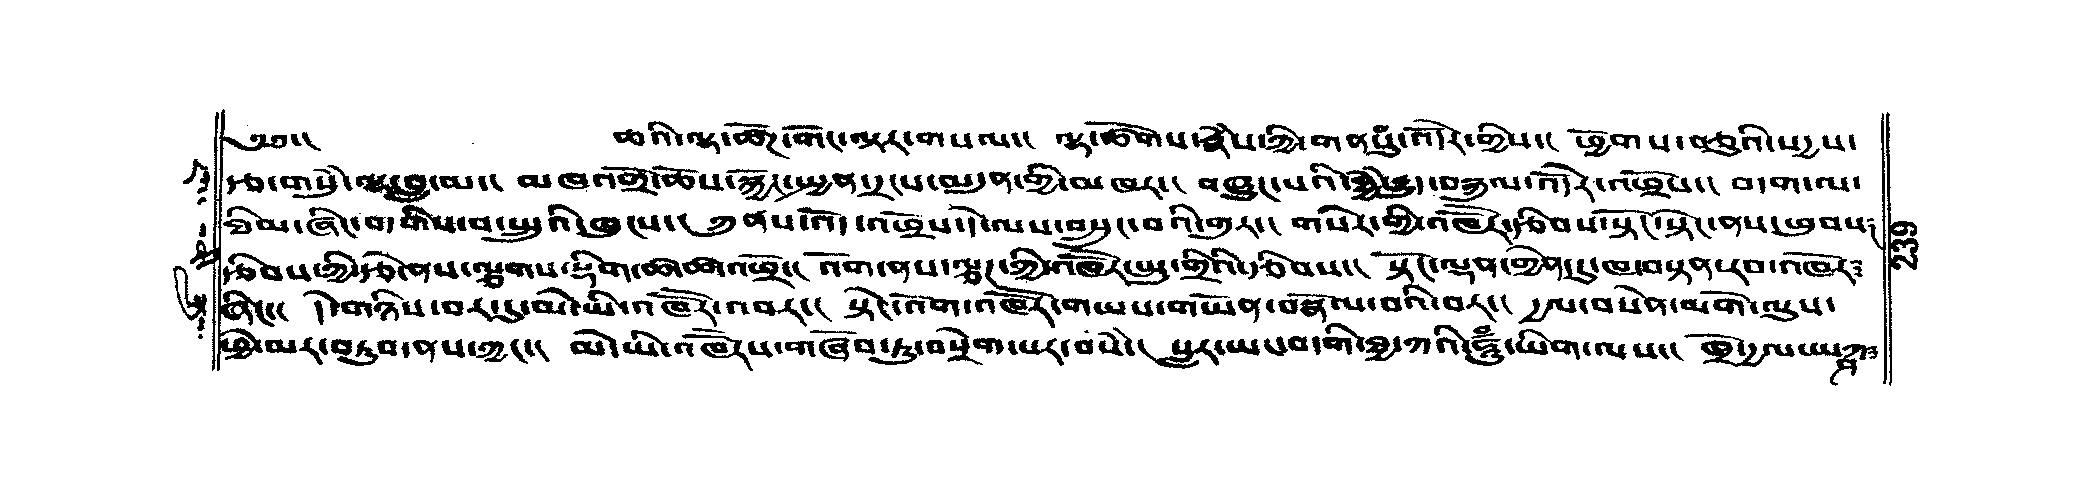ཆའི་ལྷ་ཚོགས་གོང་ལྟར་གསལ་ལ།ལྷ་ཚོགས་ཀྱི་རྣམས་ཀྱི་གནས་སུ་འོད་ཟེར་གྱིས་ཕྱོགས་བཅུའི་སངས་རྒྱས་
རྩ་གསུམ་ལྷ་བླ་མ་མཁའ་འགྲོ་ཆོས་སྐྱོང་སྤྱན་དྲངས་མདུན་གྱི་མཁར་བཞུགས་པའི་ཐུགས་རྗེ་རྒྱུད་བསྐུལ་འོད་ཟེར་འཕྲོས། བདག་ལ་
ཐིམ་ཞིམ་བདག་གིས་བ་སྤུའི་ཁུངས་ཀུན་ནས་འོད་འཕྲོས་དེ་ལས་བསྲུང་བའི་གུར། གསེར་གྱི་འཁོར་ལོ་རྩིབས་སྟོང་སྟེང་ནས་ཕུབས། 
རྩིབས་ཀྱི་རྩེ་ནས་ལྕགས་སྡིག་ཚ་ཚ་འཕྲོ། འོག་ནས་ལྕགས་ཀྱི་འཁོར་ལོ་སྤུ་གྲིའི་རྩིབས་སྟོང་ལྡན་གྱེན་དུ་ཁ་བསྟན་རབ་འཁོར་
ཞིང་། དེ་གཉིས་བར་དུ་མེ་ཡི་འཁོར་ལོ་འབར། སྟེང་འོག་འཁོར་ལོ་གཡས་གཡོན་བསྣོལ་བའི་བར། རྒྱལ་བསེན་མགོ་ལུས་
ཕྱེ་མར་བཏུབ་ནས་ཀྱང་། མེ་ཡི་འཁོར་ལོས་གཞོབ་ཏུ་བསྲེག་པར་བསམ། སླར་ཡང་བདག་གི་ཐུགས་ཀའི་ཧཱུྃ་ཡིག་ལས། ཁྲོ་རྒྱལ་ཡཀྴ་